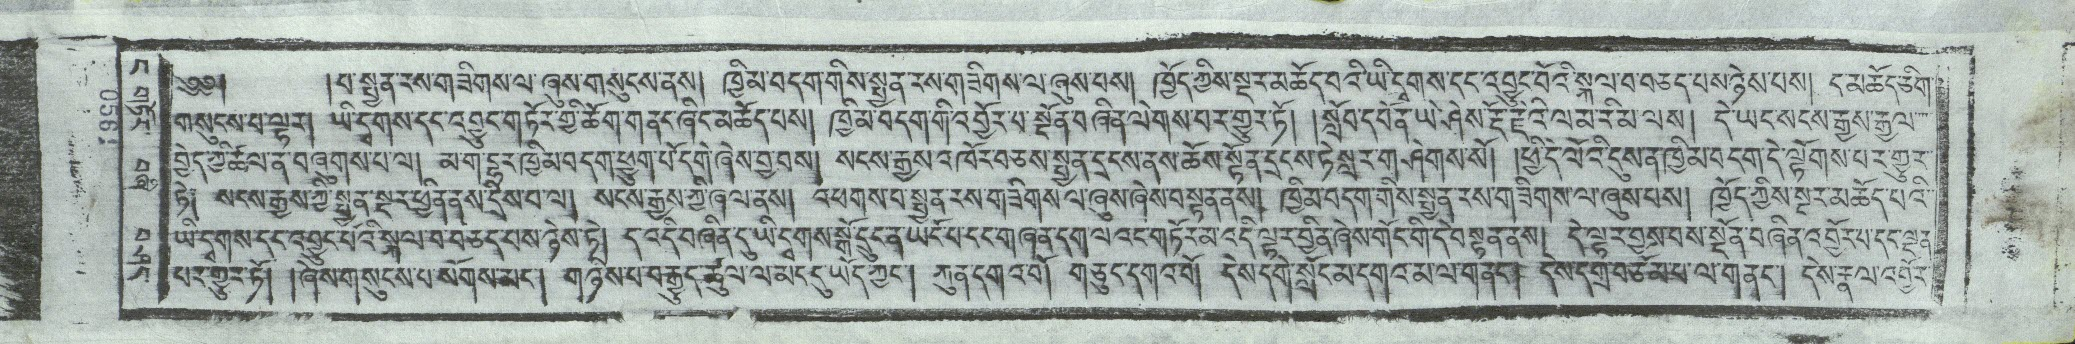༄༅། །བ་སྤྱན་རས་གཟིགས་ལ་ཞུས་གསུངས་ནས། ཁྱིམ་བདག་གིས་སྤྱན་རས་གཟིགས་ལ་ཞུས་པས། ཁྱོད་ཀྱིས་སྔར་མཆོད་པའི་ཡི་དྭགས་དང་འབྱུང་བོའི་སྐལ་བ་བཅད་པས་ཉེས་པས། ད་མཆོད་ཅིག་
གསུངས་པ་ལྟར། ཡི་དྭགས་དང་འབྱུང་གཏོར་གྱི་ཆོག་གནང་ཞིང་མཆོད་པས། ཁྱིམ་བདག་གི་འབྱོར་པ་སྔོན་བཞིན་ལེགས་པར་གྱུར་ཏོ། །སློབ་དཔོན་ཡེ་ཤེས་རྡོ་རྗེའི་ལམ་རིམ་ལས། དེ་ཡང་སངས་རྒྱས་རྒྱལ་
བྱེད་ཀྱི་ཚལ་ན་བཞུགས་པ་ལ། མ་ག་དྷར་ཁྱིམ་བདག་ཕྱུག་པོ་དགེ་ཞེས་བྱ་བས། སངས་རྒྱས་འཁོར་བཅས་སྤྱན་དྲངས་ནས་ཆོས་སྟོན་དྲངས་ཏེ་སླར་གཤེགས་སོ། །ཕྱི་དེ་ལོའི་དུས་ན་ཁྱིམ་བདག་དེ་ལྟོགས་པར་གྱུར་
ཏེ༑ སངས་རྒྱས་ཀྱི་སྤྱན་སྔར་ཕྱིན་ནས་དྲིས་པ་ལ། སངས་རྒྱས་ཀྱི་ཞལ་ནས། འཕགས་པ་སྤྱན་རས་གཟིགས་ལ་ཞུས་ཞེས་བསྟན་ནས། ཁྱིམ་བདག་གིས་སྤྱན་རས་གཟིགས་ལ་ཞུས་པས། ཁྱོད་ཀྱིས་སྔར་མཆོད་པའི་
ཡི་དྭགས་དང་འབྱུང་པོའི་སྐལ་བ་བཅད་པས་ཉེས་ཏེ། ད་འདི་བཞིན་དུ་ཡི་དྭགས་སྒོ་དྲུང་ན་ཡོང་པ་དང་གཞན་དག་ལའང་གཏོར་མ་འདི་ལྟར་བྱིན་ཞེས་གོང་གི་དེ་བསྟན་ནས། དེ་ལྟར་བྱས་པས་སྔོན་བཞིན་འབྱོར་པ་དང་ལྡན་
པར་གྱུར་ཏོ། །ཞེས་གསུངས་པ་སོགས་མང་། གཉིས་པ་བརྒྱུད་ཚུལ་ལ་མང་དུ་ཡོད་ཀྱང་། ཀུན་དགའ་བོ། གཅུང་དགའ་བོ། དེས་དགེ་སློང་མ་དགའ་མ་ལ་གནང་། དེས་དགྲ་བཅོམ་པ་ལ་གནང་། དེས་རྣལ་འབྱོར་